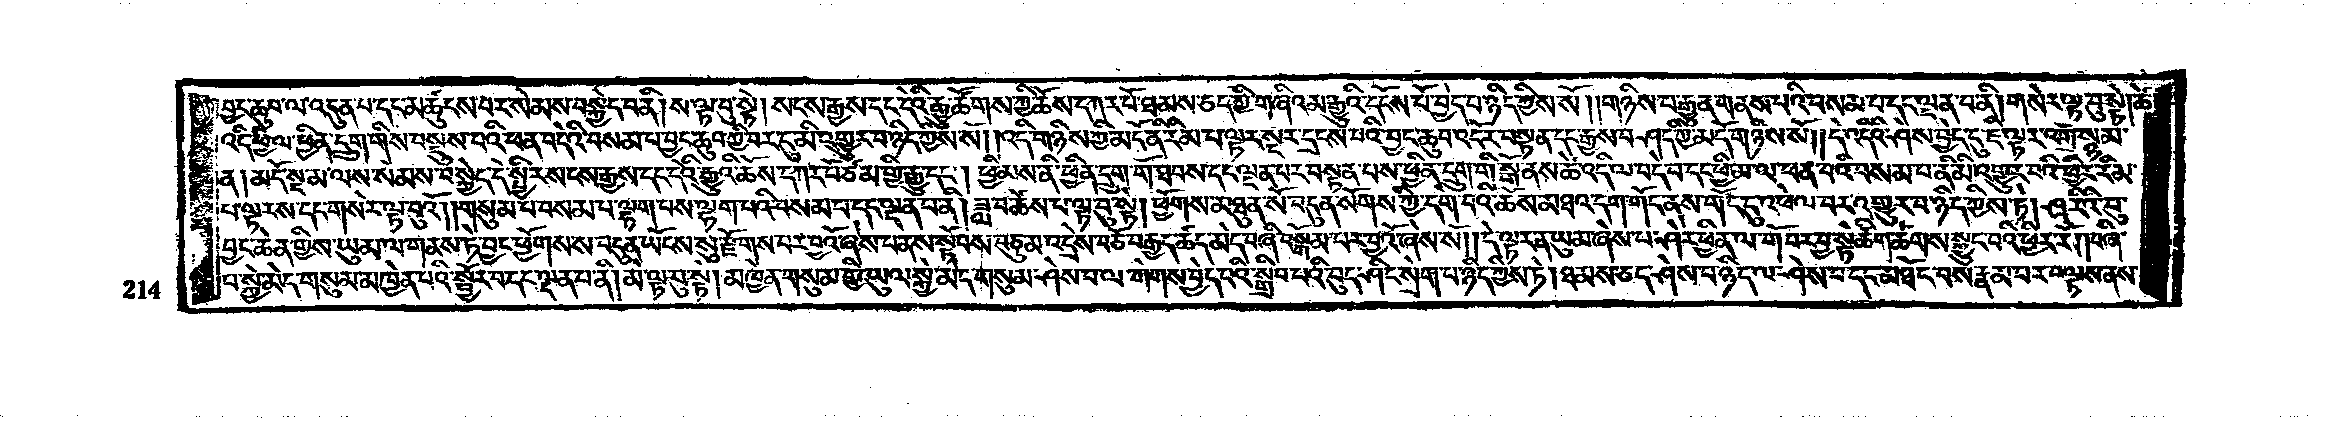བྱང་ཆུབ་ལ་འདུན་པ་དང་མཚུངས་པར་སེམས་བསྐྱེད་པ་ནི། ས་ལྟ་བུ་སྟེ། སངས་རྒྱས་དང་དེའི་རྒྱུ་ཚོགས་ཀྱི་ཆོས་དཀར་པོ་ཐམས་ཅད་ཀྱི་གཞིའམ་རྒྱུའི་དངོས་པོ་བྱེད་པ་ཉིད་ཀྱིས་སོ། །གཉིས་པ་རྒྱུན་གནས་པའི་བསམ་པ་དང་ལྡན་པ་ནི། གསེར་ལྟ་བུ་སྟེ། ཚེ་
འདི་ཕྱི་ལ་ཕྱིན་དྲུག་གིས་བསྡུས་པའི་ཕན་བདེའི་བསམ་པ་བྱང་ཆུབ་ཀྱི་བར་དུ་མི་འགྱུར་བ་ཉིད་ཀྱིས་སོ། །འདི་གཉིས་ཀྱི་མདོ་ནི་རིམ་པ་ལྟར་སྔར་དྲངས་པའི་བྱང་ཆུབ་འདོར་བསྟན་དང་རྒྱས་བཤད་ཀྱི་མདོ་གཉིས་སོ། །དེ་འདིའི་ཤེས་བྱེད་དུ་ཇི་ལྟར་འགྲོ་སྙམ་
ན། མདོ་སྔ་མ་ལས་སེམས་བསྐྱེད་དེ་སྤྱིར་སངས་རྒྱས་དང་དེའི་རྒྱུའི་ཆོས་དཀར་པོ་ཙམ་གྱི་རྒྱུ་དང་། ཕྱི་མས་ནི་ཕྱིན་དྲུག་གི་ཐབས་དང་ལྡན་པར་བསྟན་པས་ཕྱིན་དྲུག་གི་སྒོ་ནས་ཚེ་འདི་ལ་བདེ་བ་དང་ཕྱི་མ་ལ་ཕན་པའི་བསམ་པ་ནི་མི་འགྱུར་བའི་ཕྱིར་རིམ་
པ་ལྟར་ས་དང་གསེར་ལྟ་བུའོ། །གསུམ་པ་བསམ་པ་ལྷག་པས་ལྷག་པའི་བསམ་པ་དང་ལྡན་པ་ནི། ཟླ་བ་ཚེས་པ་ལྟ་བུ་སྟེ། ཕྱོགས་མཐུན་སོ་བདུན་སོགས་ཀྱི་དགེ་བའི་ཆོས་མཐའ་དག་གོང་ནས་གོང་དུ་འཕེལ་བར་འགྱུར་བ་ཉིད་ཀྱིས་ཏེ། ཤཱ་རིའི་བུ་
བྱང་ཆེན་གྱིས་ཡུམ་ལ་གནས་ཏེ་བྱང་ཕྱོགས་ས་བདུན་ཡོངས་སུ་རྫོགས་པར་བྱའོ་ཞེས་པ་ནས་སྟོབས་བཅུ་མ་འདྲེས་བཅོ་བརྒྱད་ཚད་མེད་བཞི་བསྒོམ་པར་བྱའོ་ཞེས་སོ། །དེ་ལྟར་ན་ཡུམ་ཞེས་པ་ཤེར་ཕྱིན་ལ་གོ་བར་བྱ་སྟེ་ཚིག་ཚོགས་སྐྱུང་བའི་ཕྱིར་རོ། །བཞི་
པ་སྐྱེ་མེད་གསུམ་མཁྱེན་པའི་སྦྱོར་བ་དང་ལྡན་པ་ནི། མེ་ལྟ་བུ་སྟེ། མཁྱེན་གསུམ་གྱི་ཡུལ་སྐྱེ་མེད་གསུམ་ཤེས་པ་ལ་གེགས་བྱེད་པའི་སྒྲིབ་པའི་བུད་ཤིང་སྲེག་པ་ཉིད་ཀྱིས་ཏེ། ཐམས་ཅད་ཤེས་པ་ཉིད་ལ་ཤེས་པ་དང་མཐོང་བས་རྣམ་པར་བལྟས་ནས་